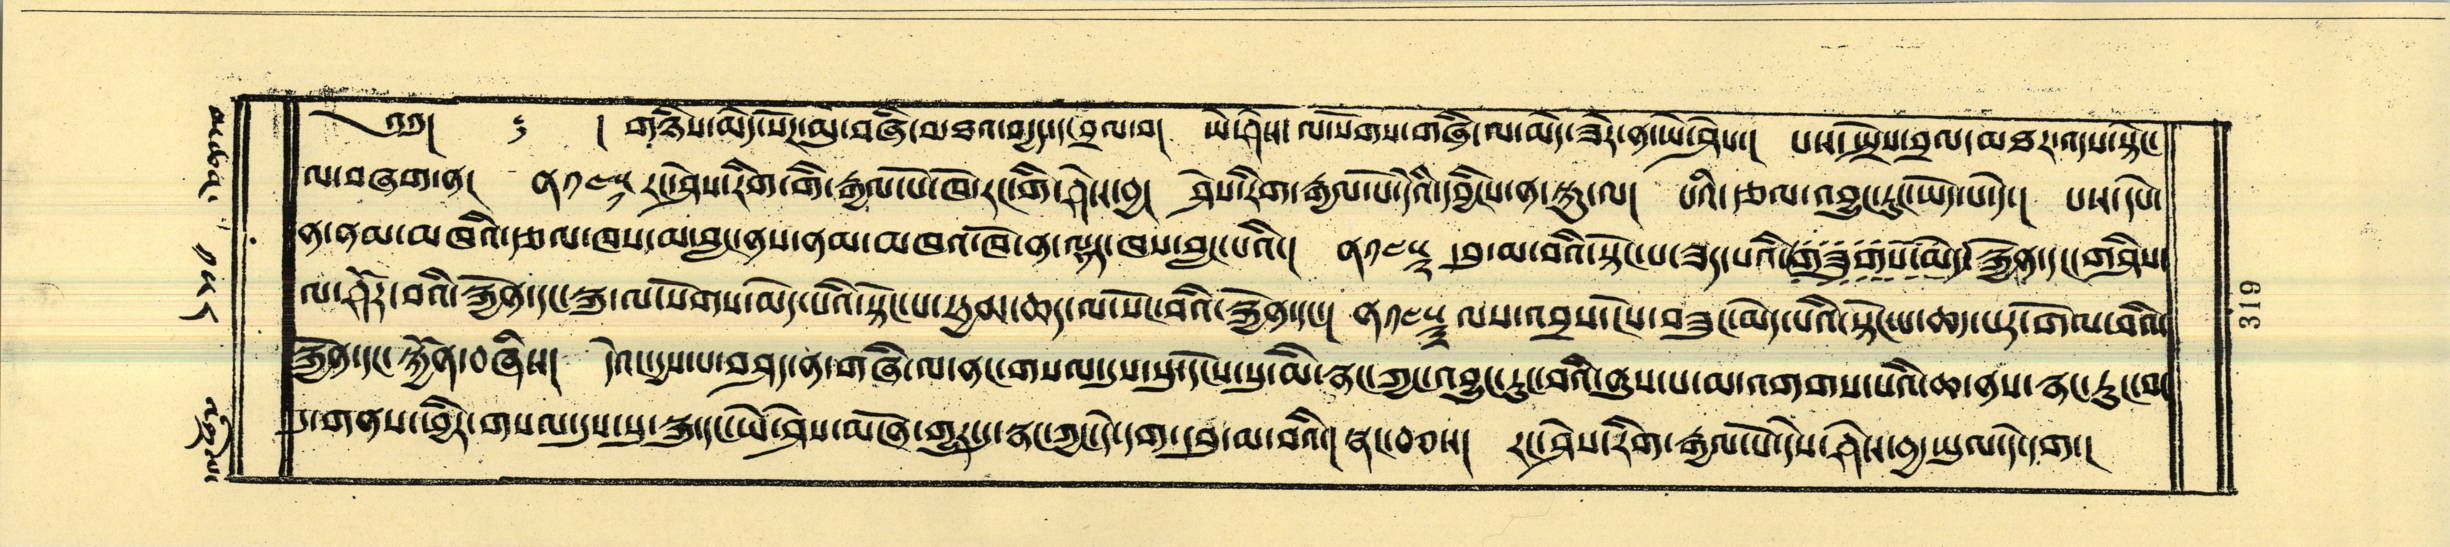གཉིས་མེད་སོགས་མུ་བཞི་མཐའ་བརྒྱད་དང་བྲལ་བ། ༼ཡེ་ཤེས་༽ལ་སོགས་གཞི་ལ་མེད་ཟེར་ན་ཡེ་ཤེས། ༼པས་༽སྤྲོས་བྲལ་མཐར་འདས་སྟེང་
ལ་བཞག་ན། ན༡༤༥།༡ རང་ཤེས་རིག་གི་རྒྱལ་པོ་ཁོ་རང་གི་ ༼ཤེས་བྱ།༽ཤེས་རིག་རྒྱལ་པོ་དེའི་དབྱིངས་ན་ ༼སྐུ་ལ།༽ ༼པའི།༽རྩལ་འབྱུང་རུང་ཡོད་པ་དེ། ༼པས་༽དཔེ་
ན་ནམ་མཁའི་རྩལ་ཁས་མ་བླང་ནས་ནམ་མཁའ་ཁོ་ན་ལྟར་ཁས་བླང་པའི། ན༡༤༥།༢ དབུ་མ་བའི་སྟོང་པ་ ༼ཟད་༽པའི་སྐྱོན་དང་གཤིས་
ལ་ ༼ཤོར་༽བའི་སྐྱོན་དང་སྐུ་ལ་སོགས་མེད་པའི་སྟོང་པ་ ༼ཕྱམ་ཆད་༽ལ་སོང་བའི་སྐྱོན་དང། ན༡༤༥།༣ ལས་འབྲས་ངོས་བཟུང་མེད་པའི་སྟོང་པ་ཆད་པར་གོལ་བའི་
སྐྱོན་དང་ ༼སྐྱོན་བཞིས།༽དེའང་རྒྱས་པ་བཤད་ན་གཞི་ལ་ནང་གསལ་དུས་སུ་དངོས་སུ་མི་སྣང་ཀྱང་འབྱུང་རུང་བའི་ནུས་པ་མ་འགགས་པའི་ཆ་ནས་སྣང་རུང་བ་
དུ་གནས་ཕྱིར་གསལ་དུས་སུ་སྐུ་དང་ཡེ་ཤེས་མངོན་གྱུར་དུ་སྣང་ཀྱང་དེ་དག་དབུ་མ་བའི། ༼སྣང་བཅས།༽རང་ཤེས་རིག་རྒྱལ་པོ་དེས་ ༼ཤེས་བྱ་༽ཡུལ་དེ་དག་